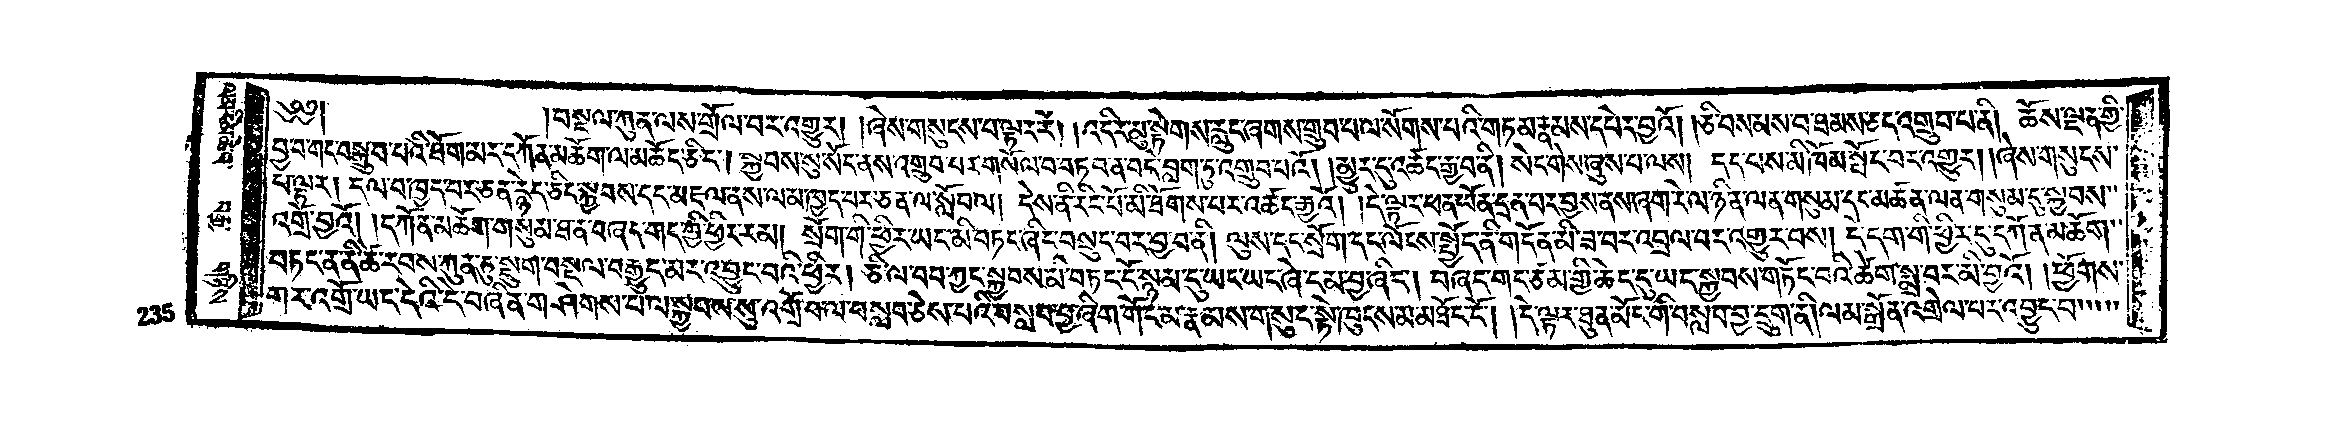༄༅། །བསྔལ་ཀུན་ལས་གྲོལ་བར་འགྱུར། །ཞེས་གསུངས་པ་ལྟར་རོ། །འདིར་མུ་སྟེགས་རླུང་ཞགས་གྲུབ་པ་ལ་སོགས་པའི་གཏམ་རྣམས་དཔེར་བྱའོ། །ཅི་བསམས་པ་ཐམས་ཅད་འགྲུབ་པ་ནི། ཆོས་ལྡན་གྱི་
བྱ་བ་གང་བསྒྲུབ་པའི་ཐོག་མར་དཀོན་མཆོག་ལ་མཆོད་ཅིང་། སྐྱབས་སུ་སོང་ནས་འགྲུབ་པར་གསོལ་བ་བཏབ་ན་བདེ་བླག་ཏུ་འགྲུབ་པའོ། །མྱུར་དུ་འཚང་རྒྱ་བ་ནི། སེང་གེས་ཞུས་པ་ལས། དད་པས་མི་ཁོམ་སྤོང་བར་འགྱུར། །ཞེས་གསུངས་
པ་ལྟར། དལ་བ་ཁྱད་པར་ཅན་རྙེད་ཅིང་སྐྱབས་དང་མཇལ་ནས་ལམ་ཁྱད་པར་ཅན་ལ་སློབ་ལ། དེས་ནི་རིང་པོ་མི་ཐོགས་པར་འཚང་རྒྱའོ། །དེ་ལྟར་ཕན་ཡོན་དྲན་པར་བྱས་ནས་ཞག་རེ་ལ་ཉིན་ལན་གསུམ་དང་མཚན་ལན་གསུམ་དུ་སྐྱབས་
འགྲོ་བྱའོ། །དཀོན་མཆོག་གསུམ་ཐ་ན་བཞད་གད་ཀྱི་ཕྱིར་རམ། སྲོག་གི་ཕྱིར་ཡང་མི་བཏང་ཞིང་བསྲུང་བར་བྱ་བ་ནི། ལུས་དང་སྲོག་དང་ལོངས་སྤྱོད་ནི་གདོན་མི་ཟ་བར་འབྲལ་བར་འགྱུར་བས། དེ་དག་གི་ཕྱིར་དུ་དཀོན་མཆོག་
བཏང་ན་ནི་ཚེ་རབས་ཀུན་ཏུ་སྡུག་བསྔལ་བརྒྱུད་མར་འབྱུང་བའི་ཕྱིར། ཅི་ལ་བབ་ཀྱང་སྐྱབས་མི་བཏང་ངོ་སྙམ་དུ་ཡང་ཡང་ཞེ་དམ་བྱ་ཞིང་། བཞད་གད་ཙམ་གྱི་ཆེད་དུ་ཡང་སྐྱབས་གཏོང་བའི་ཚིག་སྨྲ་བར་མི་བྱའོ། །ཕྱོགས་
གར་འགྲོ་ཡང་དེའི་དེ་བཞིན་གཤེགས་པ་ལ་སྐྱབས་སུ་འགྲོ་བ་ལ་བསླབ་ཅེས་པའི་བསླབ་བྱ་ཞིག་གོང་མ་རྣམས་གསུང་སྟེ་ཁུངས་མ་མཐོང་ངོ། །དེ་ལྟར་ཐུན་མོང་གི་བསླབ་བྱ་དྲུག་ནི། ལམ་སྒྲོན་འགྲེལ་པར་འབྱུང་བ་